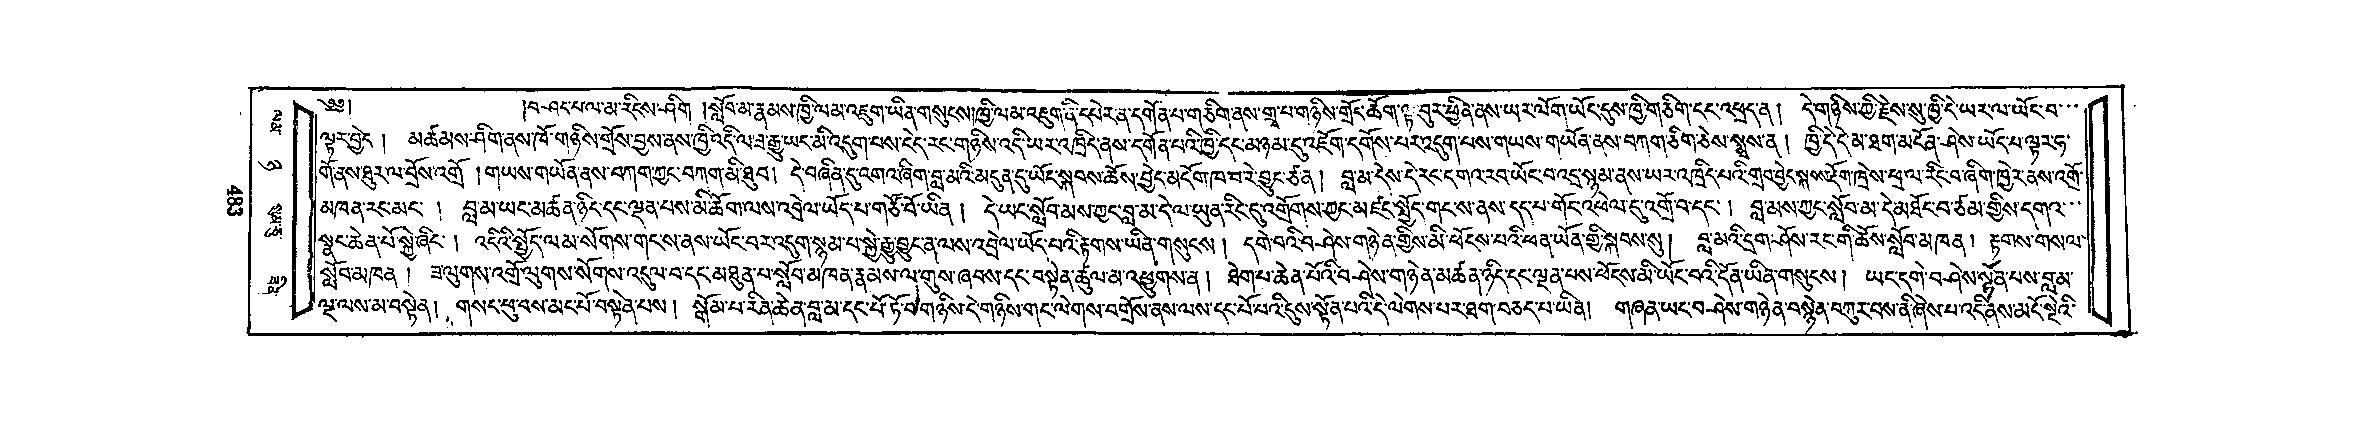༄༅། །བཤད་པ་ལ་མ་རིངས་ཤིག །སློབ་མ་རྣམས་ཁྱི་ལམ་འཇུག་ཡིན་གསུངས། ཁྱི་ལམ་འཇུག་ནི་དཔེར་ན་དགོན་པ་གཅིག་ནས་གྲྭ་པ་གཉིས་གྲོང་ཆོག་ལྟ་བུར་ཕྱིན་ནས་ཡར་ལོག་ཡོང་དུས་ཁྱི་གཅིག་དང་འཕྲད་ན། དེ་གཉིས་ཀྱི་རྗེས་སུ་ཁྱི་དེ་ཡར་ལ་ཡོང་བ་
ལྟར་བྱེད། མཚམས་ཤིག་ནས་ཁོ་གཉིས་གྲོས་བྱས་ནས་ཁྱི་འདི་ལ་ཟ་རྒྱུ་ཡང་མི་འདུག་པས་ངེད་རང་གཉིས་འདི་ཡར་འཁྲིད་ནས་དགོན་པའི་ཁྱི་དང་མཉམ་དུ་འཇོག་དགོས་པར་འདུག་པས་གཡས་གཡོན་ནས་བཀག་ཅིག་ཅེས་སྨྲས་ན། ཁྱི་དེ་དེ་མ་ཐག་མངོན་ཤེས་ཡོད་པ་ལྟར་ཧ་
གོ་ནས་ཐུར་ལ་བྲོས་འགྲོ་།གཡས་གཡོན་ནས་བཀག་ཀྱང་བཀག་མི་ཐུབ། དེ་བཞིན་དུ་འགའ་ཞིག་བླ་མའི་མདུན་དུ་ཡོང་སྐབས་ཆོས་བྱེད་མདོག་ཁ་བ་རེ་བྱུང་ཙ་ན། བླ་མ་དེས་དེ་རང་དགའ་རབ་ཡོང་བ་འདྲ་སྙམ་ནས་ཡར་འཁྲིད་པའི་གྲབ་བྱེད་སྐབས་རྡོག་ཁྲེས་ཕྲ་ལ་རིང་བ་ཞིག་ཁྱེར་ནས་འགྲོ་
མཁན་རང་མང་། བླ་མ་ཡང་མཚན་ཉིད་དང་ལྡན་པས་མི་ཆོག་ལས་འབྲེལ་ཡོད་པ་གཙོ་བོ་ཡིན། དེ་ཡང་སློབ་མས་ཀྱང་བླ་མ་དེ་ལ་ཡུན་རིང་དུ་འགྲོགས་ཀྱང་མཛད་སྤྱོད་གང་ས་ནས་དད་པ་གོང་འཕེལ་དུ་འགྲོ་བ་དང་། བླ་མས་ཀྱང་སློབ་མ་དེ་མཐོང་བ་ཙམ་གྱིས་དགའ་
སྣང་ཆེན་པོ་སྐྱེ་ཞིང་། འདིའི་སྤྱོད་ལམ་སོགས་གང་ས་ནས་ཡོང་བར་འདུག་སྙམ་པ་སྐྱེ་རྒྱུ་བྱུང་ན་ལས་འབྲེལ་ཡོད་པའི་རྟགས་ཡིན་གསུངས། དགེ་བའི་བཤེས་གཉེན་གྱིས་མི་ཕོངས་པའི་ཕན་ཡོན་གྱི་སྐབས་སུ། བླ་མའི་དྲག་ཤོས་རང་གི་ཆོས་སློབ་མཁན། རྟགས་གསལ་
སློབ་མཁན། ཟ་ལུགས་འགྲོ་ལུགས་སོགས་འདུལ་བ་དང་མཐུན་པ་སློབ་མཁན་རྣམས་ལ་གུས་ཞབས་དང་བསྟེན་ཚུལ་མ་འཕྱུགས་ན། ཐེག་པ་ཆེན་པོའི་བཤེས་གཉེན་མཚན་ཉིད་དང་ལྡན་པས་ཕོངས་མི་ཡོང་བའི་དོན་ཡིན་གསུངས། ཡང་དགེ་བཤེས་སྟོན་པས་བླ་མ་
ལྔ་ལས་མ་བསྟེན། གསང་ཕུ་བས་མང་པོ་བསྟེན་པས། སྒོམ་པ་རིན་ཆེན་བླ་མ་དང་པོ་ཏོ་བ་གཉིས་དེ་གཉིས་གང་ལེགས་བགྲོས་ནས་ལས་དང་པོ་པའི་དུས་སྟོན་པའི་དེ་ལེགས་པར་ཐག་བཅད་པ་ཡིན། གཞན་ཡང་བཤེས་གཉེན་བསྙེན་བཀུར་བས་ནི་ཞེས་པ་འདི་ནས་མདོ་སྡེའི་